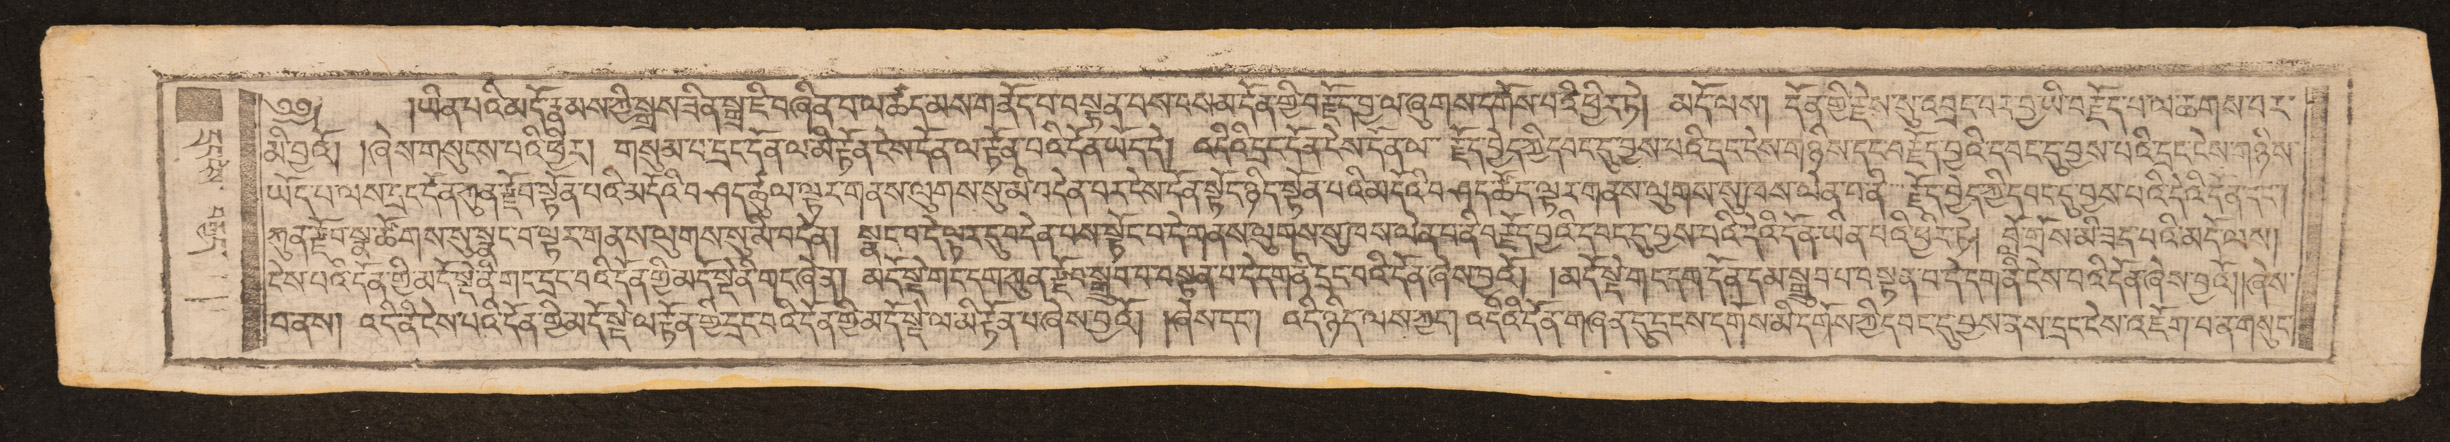༄༅། །ཡིན་པའི་མདོ་རྣམས་ཀྱི་སྒྲས་ཟིན་སྒྲ་ཇི་བཞིན་པ་ལ་ཚད་མས་གནོད་པ་བསྟན་པས་བསམ་དོན་གྱི་བརྗོད་བྱ་ལ་ཞུགས་དགོས་པའི་ཕྱིར་ཏེ། མདོ་ལས། དོན་གྱི་རྗེས་སུ་འབྲང་བར་བྱ་ཡི་བརྗོད་པ་ལ་ཆགས་པར་
མི་བྱའོ། །ཞེས་གསུངས་པའི་ཕྱིར། གསུམ་པ་དྲང་དོན་ལ་མི་རྟོན་ངེས་དོན་ལ་རྟོན་པའི་དོན་ཡོད་དེ། འདིའི་དྲང་དོན་ངེས་དོན་ལ་རྗོད་བྱེད་ཀྱི་དབང་དུ་བྱས་པའི་དྲང་ངེས་གཉིས་དང་བརྗོད་བྱའི་དབང་དུ་བྱས་པའི་དྲང་ངེས་གཉིས་
ཡོད་པ་ལས་དྲང་དོན་ཀུན་རྫོབ་སྟོན་པའི་མདོའི་བཤད་ཚུལ་ལྟར་གནས་ལུགས་སུ་མི་བདེན་པར་ངེས་དོན་སྟོང་ཉིད་སྟོན་པའི་མདོའི་བཤད་ཚོད་ལྟར་གནས་ལུགས་སུ་ཁས་ལེན་པ་ནི་རྗོད་བྱེད་ཀྱི་དབང་དུ་བྱས་པའི་དེའི་དོན་དང་།
ཀུན་རྫོབ་སྣ་ཚོགས་སུ་སྣང་བ་ལྟར་གནས་ལུགས་སུ་མི་བདེན། སྣང་པ་དེ་ལྟར་དུ་བདེན་པས་སྟོང་པ་དེ་གནས་ལུགས་སུ་ཁས་ལེན་པ་ནི་བརྗོད་བྱའི་དབང་དུ་བྱས་པའི་དེའི་དོན་ཡིན་པའི་ཕྱིར་ཏེ། བློ་གྲོས་མི་ཟད་པའི་མདོ་ལས།
ངེས་པའི་དོན་གྱི་མདོ་སྡེ་ནི་གང་དྲང་བའི་དོན་གྱི་མདོ་སྡེ་ནི་གང་ཞེ་ན། མདོ་སྡེ་གང་དག་ཀུན་རྫོབ་སྒྲུབ་པ་བསྟན་པ་དེ་དག་ནི་དྲང་བའི་དོན་ཞེས་བྱའོ། །མདོ་སྡེ་གང་དག་དོན་དམ་སྒྲུབ་པ་བསྟན་པ་དེ་དག་ནི་ངེས་པའི་དོན་ཞེས་བྱའོ། །ཞེས་
པ་ནས། འདི་ནི་ངེས་པའི་དོན་གྱི་མདོ་སྡེ་ལ་རྟོན་གྱི་དྲང་བའི་དོན་གྱི་མདོ་སྡེ་ལ་མི་རྟོན་པ་ཞེས་བྱའོ། །ཞེས་དང་། འདི་ཉིད་ལས་ཀྱང་། འདིའི་དོན་གཞན་དུ་དྲངས་དགོས་མི་དགོས་ཀྱི་དབང་དུ་བྱས་ནས་དྲང་ངེས་འཇོག་པ་ན་གསུང་